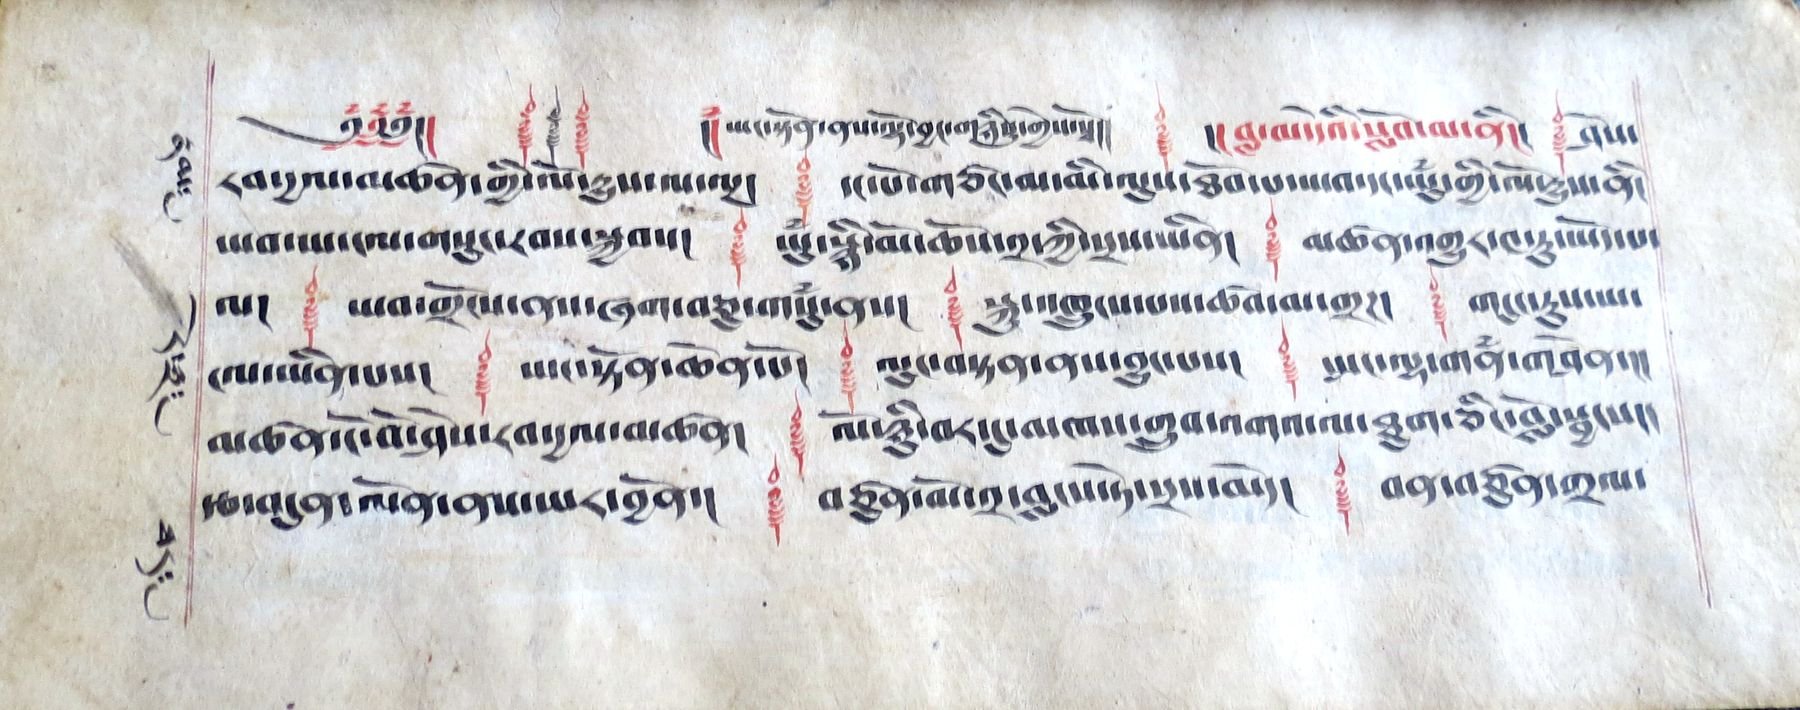ཡང་སྟོན་ནས། ལྷོ་བྱང་གཉིས་སུ་གྱེས་སོ། ། བླ་མ་དེའི་སློབ་མ་ནི། ཤེས་
རབ་རྒྱལ་མཚན་གྱི་ལོ་རྒྱུས་ལ་ལྔ། དང་པོ་གཙང་མ་མི་ལུས་ཐོབ་པ་ཡབ་དང་ཡུམ་གྱི་ལོ་རྒྱུས་ནི། 
ཡབ་ཡ་ངལ་གསུང་རབ་སྐྱབས། ཡུམ་སྙི་མོ་ཆོས་སྐྱིད་གཉིས་ཀྱི་སྲས་ཡིན། མཚན་འགྱུར་བཞི་རུ་ཡོད་པ་
ལ། ཡབ་གྲོངས་ནས་ཞག་བཅུ་གསུམ་ནས་སྐུ་འཁྲུངས་པས་ཚབ་མ་གྲགས། གདུང་རུས་ཡ་
ངལ་བ་ཡིན་པས། ཡང་སྟོན་ཆེན་པོ། ལུང་བསྟན་ནས་བྱུང་བས་སྤང་ལ་གནམ་གཤེན། 
མཚན་ངོ་བོ་ཤེས་རབ་རྒྱལ་མཚན། ལོ་ཉི་ཤུའི་བར་ལ་མཁས་གྲུབ་འགའ་ལ་ཐུག་ཅིང་བློ་སྦྱངས། 
རྩ་བདུན་ལོན་ནས་ཡར་བྱོན་བཙུན་མོ་གཉིས་བླངས་ཏེ་སྲས་མེད། བན་བཙུན་གྲལ་